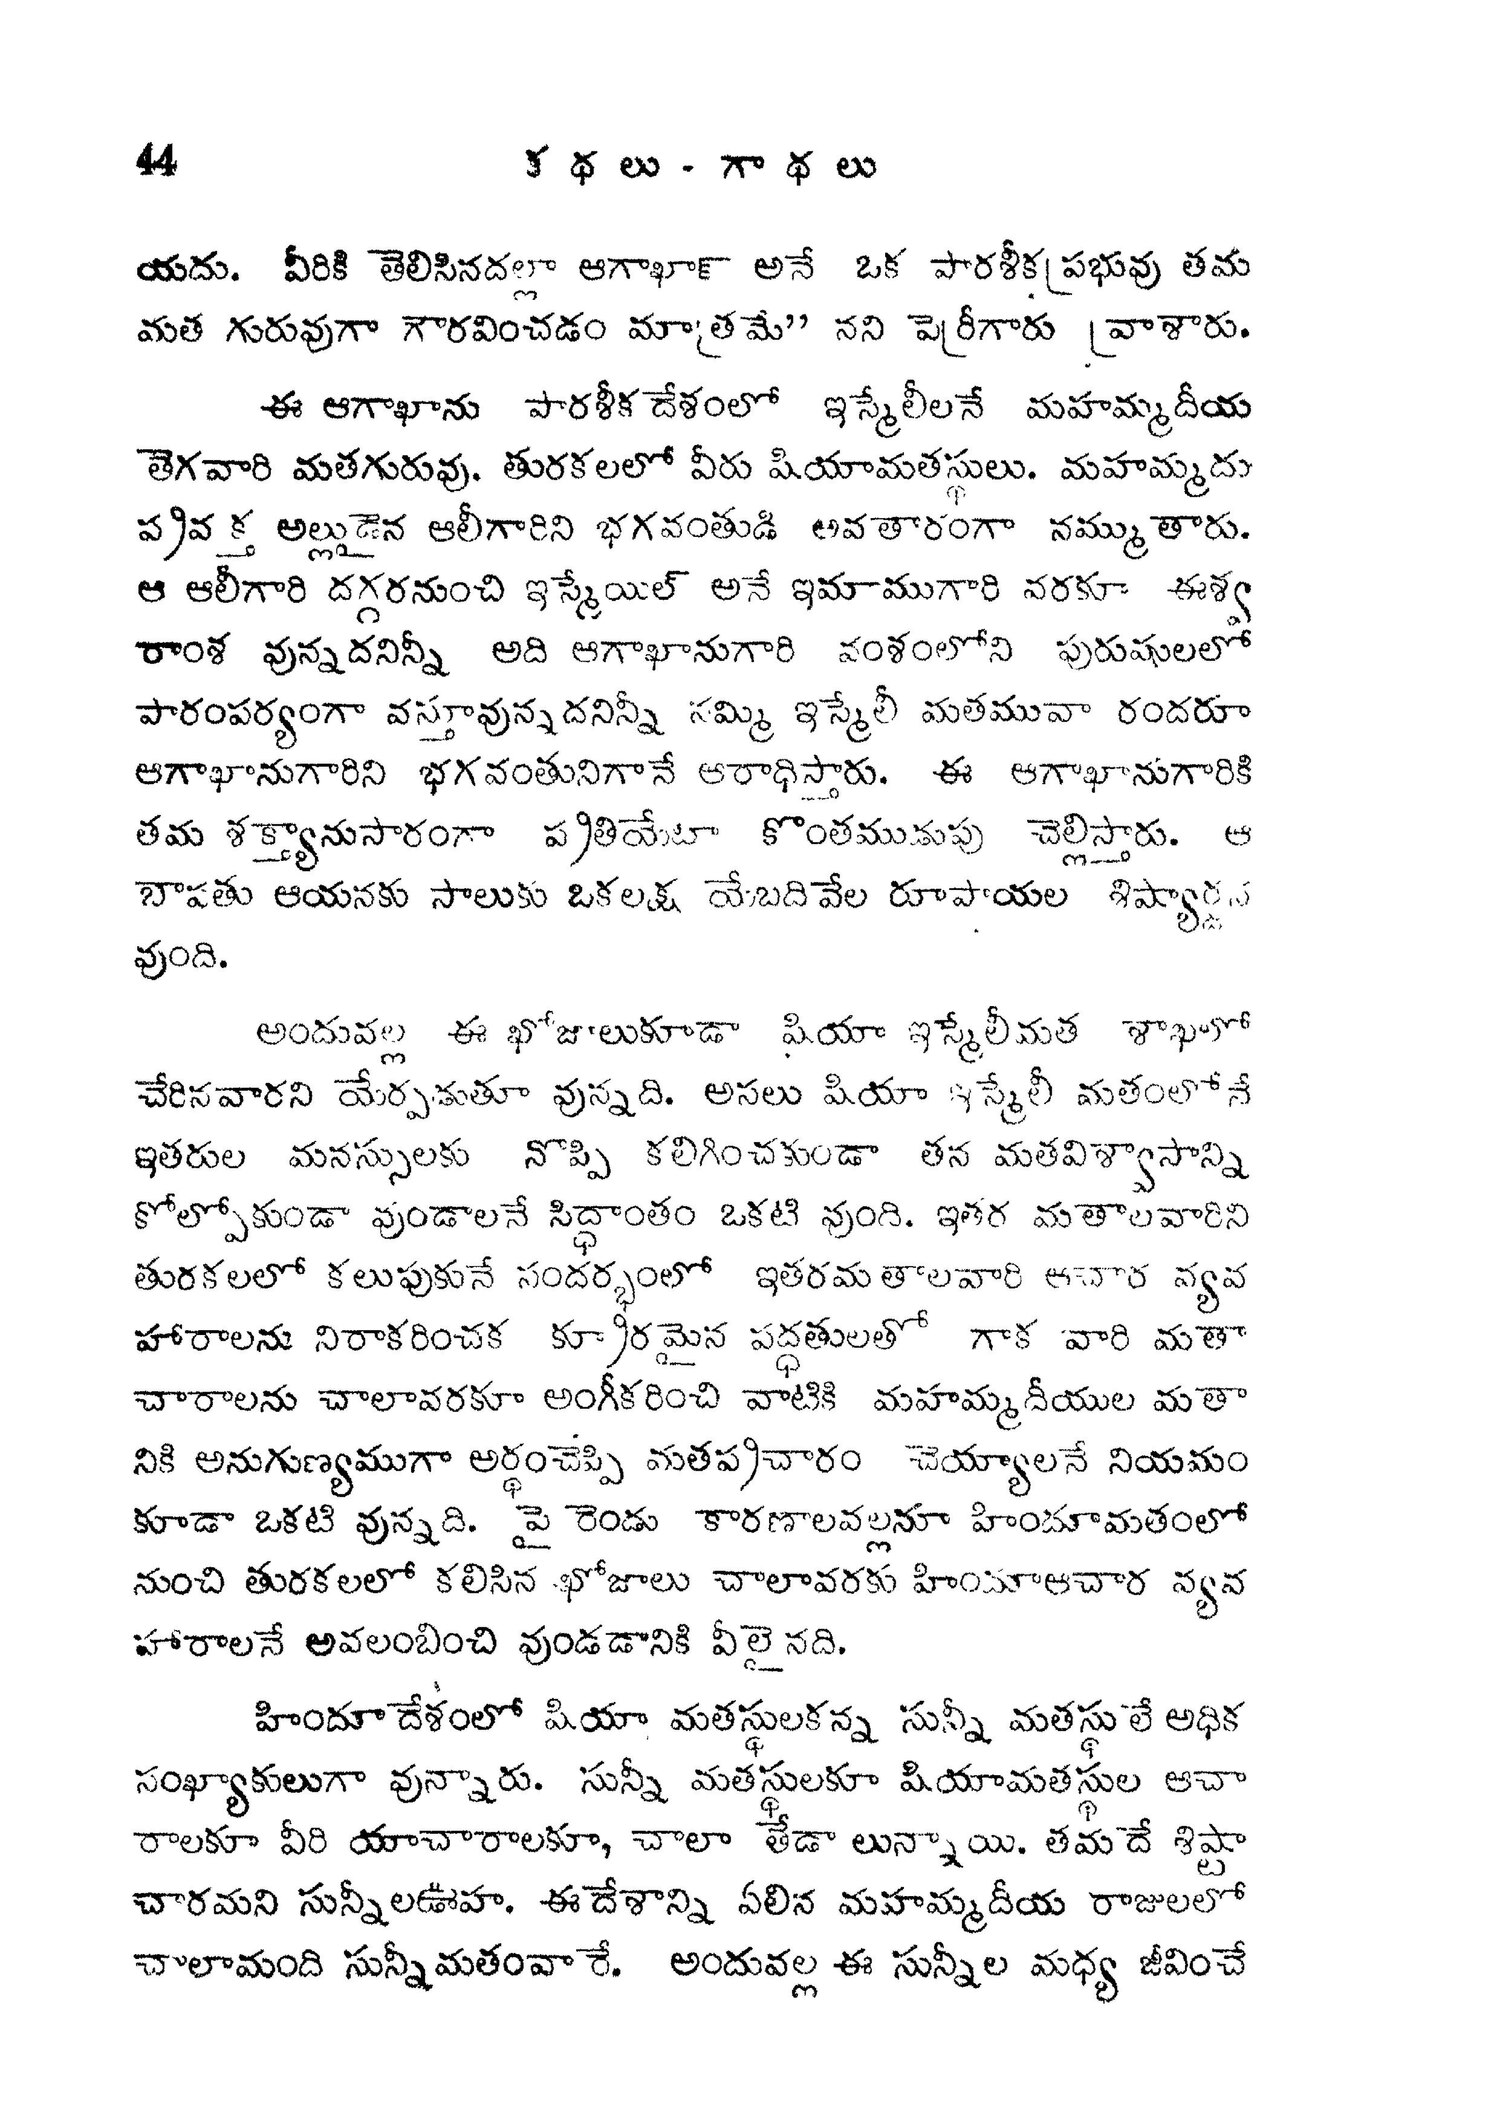యదు వీరికి తెలిసినదల్లా ఆగాఖాన్ అనే ఒక పారశీకప్రభువు తమ మత గురువుగా గౌరవించడం మాత్రమే" నని పెర్రీగారు వ్రాశారు.

ఈ ఆగాఖాను పారశీకదేశంలొ ఇస్మేలీలనే మహమ్మదీయ తెగవారి మతగురువు. తురకలలో వీరు షియామతస్థులు. మహమ్మదు ప్రవక్త అల్లుడైన ఆలీగారిని భగవంతుడి అవతారంగా నమ్ముతారు. ఆ ఆలీగారి దగ్గరనుంచి ఇస్మేయిల్ అనే ఇమాముగారి వరకూ ఈశ్వరాంశ వున్నదనిన్నీ అది ఆగాఖానుగారి వంశంలోపురుషులలో పారంపర్యంగా వస్తూవున్నదనిన్నీ నమ్మి ఇస్మేలీ మతమువా రందరూ ఆగాఖానుగారికి భగవంతునిగానే ఆరాధిస్తారు. ఈ ఆగాఖారుగారికి తమ శక్త్యానుసారంగా ప్రతియేటా కొంతముడుపు చెల్లిస్తారు. ఆ బాపతు ఆయనకు సాలుకు ఒకలక్ష యేబదివేల రూపాయల శిష్యార్జనవుంది.

అందువల్ల ఈ భొజాలుకూడా షియా ఇస్మేలీమత శాఖలో చేరినవారిని యేర్పడుతూ వున్నది. అసలు షియా ఇస్మేలీ మతంలోనే ఇతరుల మనస్సులకు నొప్పి కలిగించకుండా తన మతవిశ్వాసాన్ని కోల్పోకుండా వుండాలనే సిద్ధాంతం ఒకటి వుంది. ఇతర మతాలవారిని తురకలలో కలుపుకునే సందర్భంలో ఇతరమతాలవారి ఆచార వ్యవహారాలను నిరాకరించక క్రూరమైన పద్ధతులతో గాక వారి మతాచారాలను చాలావరకూ అంగీకరించి వాటిని మహమ్మదీయుల మతానికి అనుగుణ్యముగా అర్ధంచెప్పి మతప్రచారం చెయ్యాలనే నియమం కూడా ఒకటి వున్నది. పై రెండు కారణాలవల్లనూ హిందూమతంలో నుంచి తురకలలో కలిసిన భోజాలు చాలావరకు హిందూఆచార వ్యవహారాలనే అవలంబించి వుండడానికి వీలైనది.

హిందూదేశంలో షియా మతస్థులకన్న సున్నీ మతస్థులే అధిక సంఖ్యాకులుగా వున్నారు. సున్నీ మతస్థులకూ షియామతస్థుల ఆచారాలకూ వీరి యాచారాలకూ, చాలా తేడా లున్నాయి. తమదే శిష్టా చారమని సున్నీల ఊహ. ఈదేశాన్ని ఏలిన మహమ్మదీయ రాజులలో చాలామంది సున్నీమతంవారే. అందువల్ల ఈ సున్నీల మధ్య జీవించే